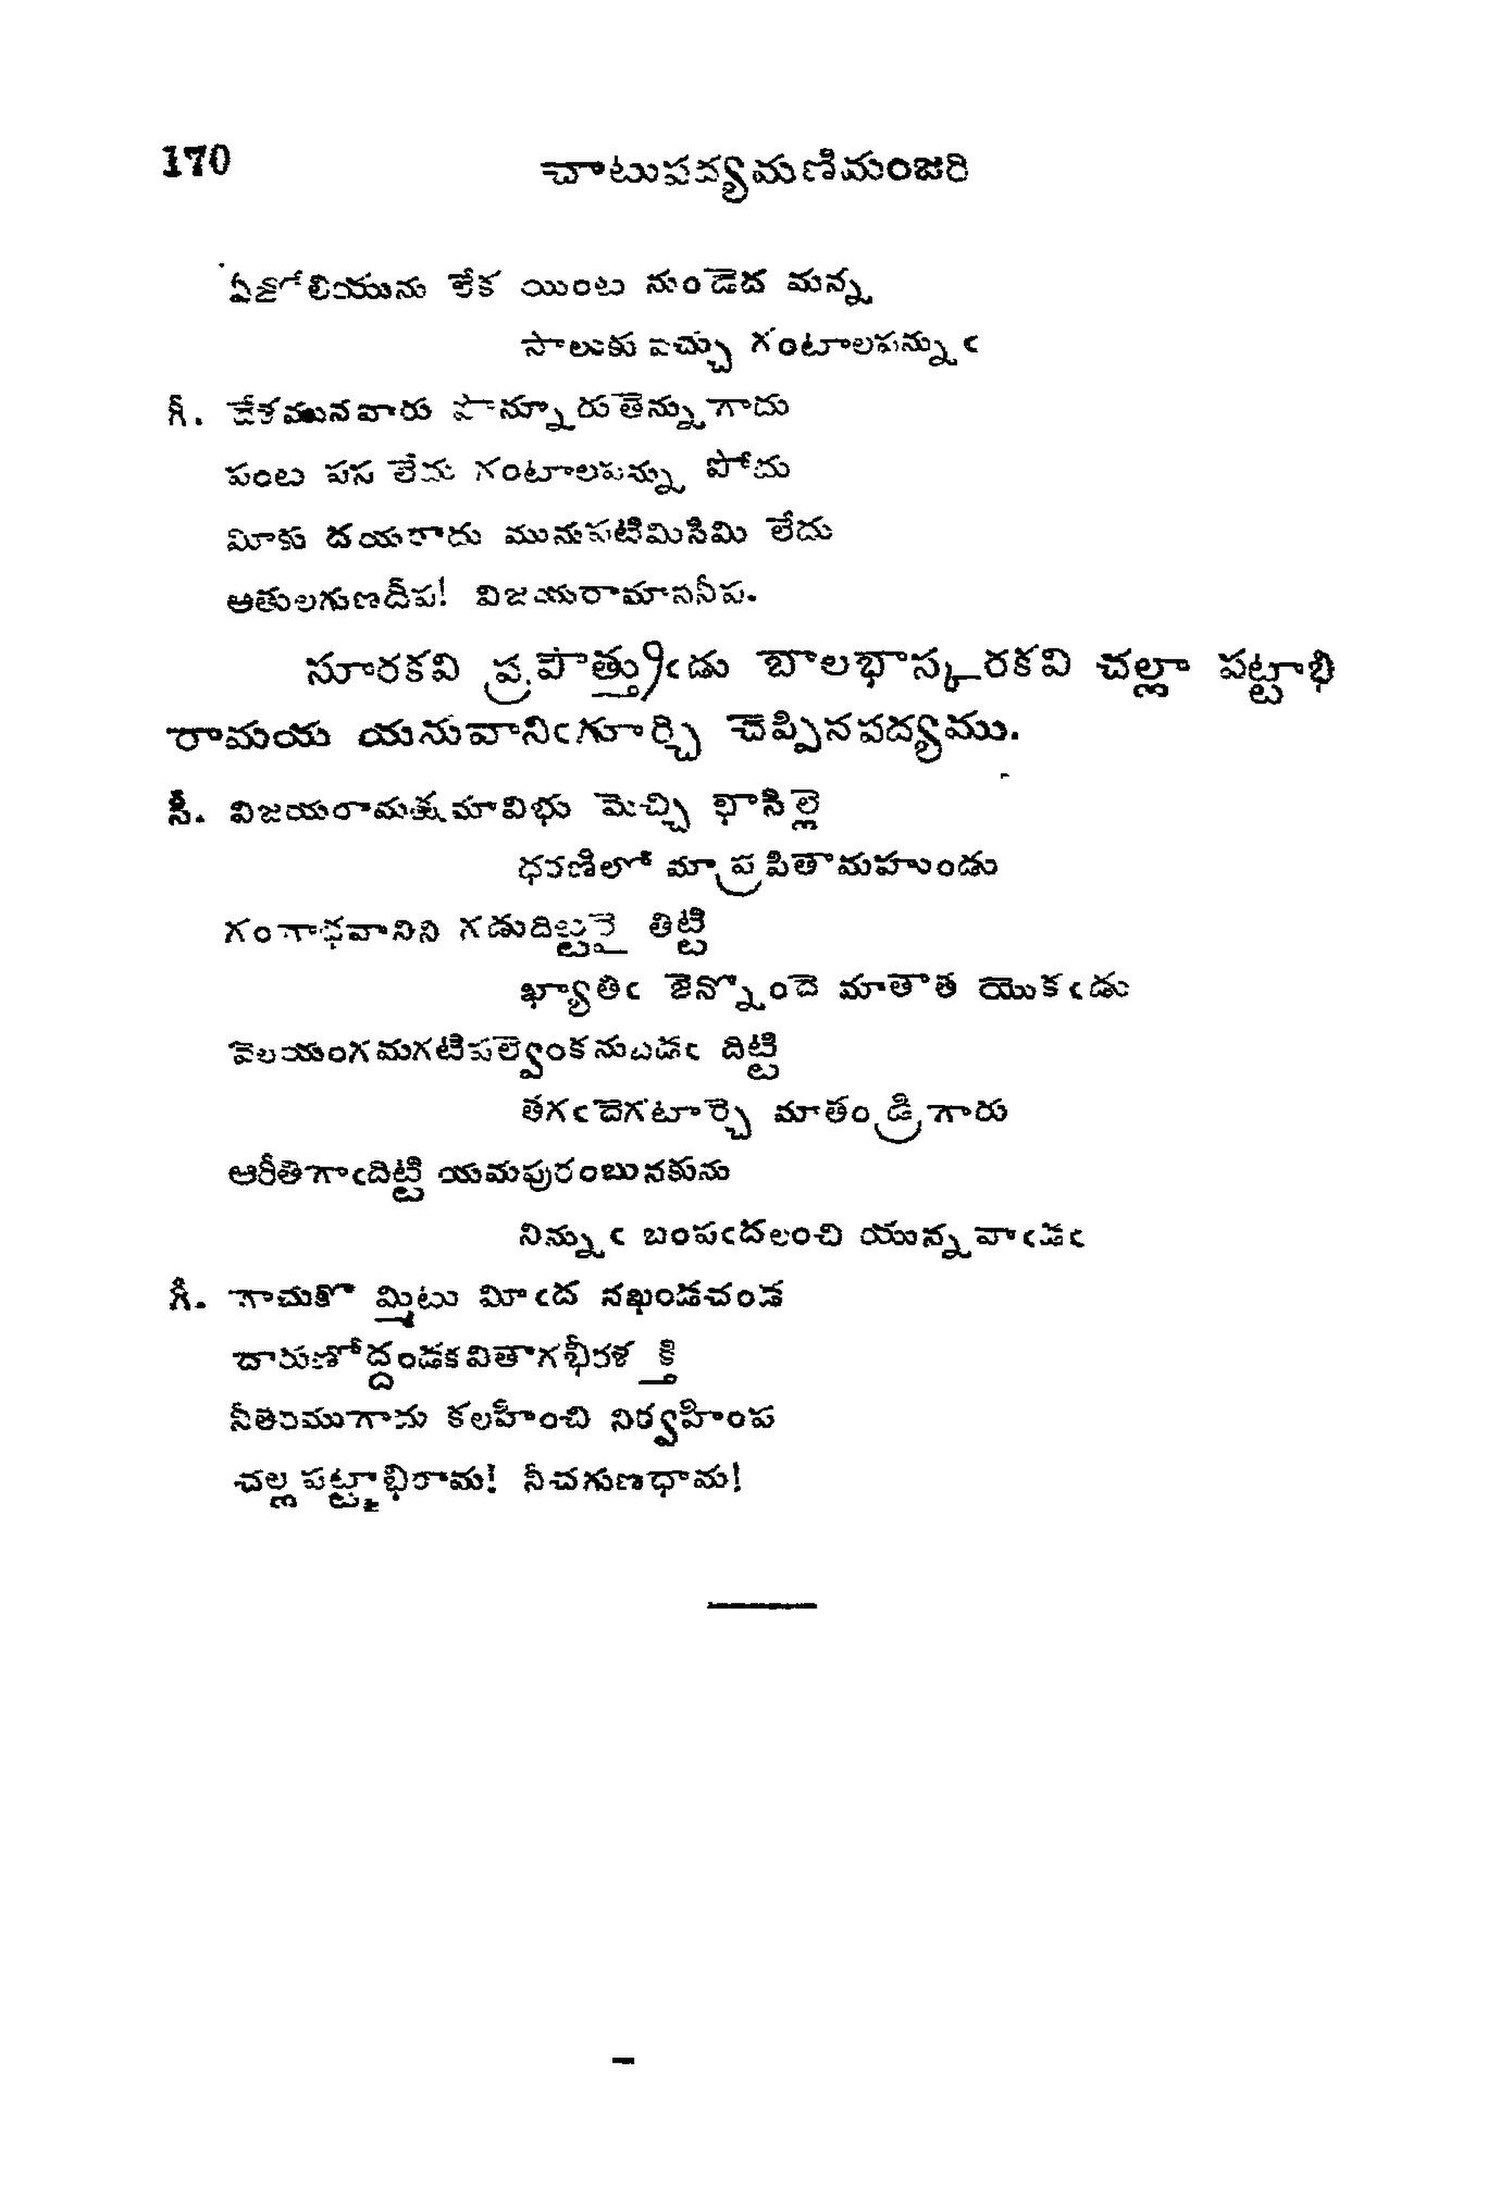ఏజోలియును లేక యింట నుండెద మన్న
 సాలుకు వచ్చు గంటాలపన్ను
గీ. దేశమునవారు పొన్నూరుతెన్నుగాదు
 పంట పస లేదు గంటాలపన్ను పోదు
 మీకు దయరాదు మునుపటిమిసిమి లేదు
 అతులగుణదీప! విజయరామావనీప!
సూరకవి ప్రపౌత్త్రుఁడు బాలభాస్కరకవి చల్లా పట్టాభిరామయ యనువానిఁగూర్చి చెప్పినపద్యము—
సీ. విజయరామక్షమావిభు మెచ్చి భాసిల్లె
 ధరణిలో మాప్రపితామహుండు
 గంగాభవానిని గడుదిట్టరై తిట్టి
 ఖ్యాతిఁ జెన్నొందె మాతాత యొకఁడు
 వెలయంగ మగటిపల్వెంకను బడఁ దిట్టి
 తగఁ దెగటార్చె మాతండ్రిగారు
 ఆరీతిగాఁ దిట్టి యమపురంబునకును
 నిన్నుఁ బంపఁదలంచి యున్నవాఁడ
గీ. గాచుకొమ్మిటు మీఁద నఖండచండ
 దారుణోద్దండకవితాగభీరశక్తి
 నీతరము గాదు కలహించి నిర్వహింప
 చల్లపట్టాభిరామ! నీచగుణధామ!